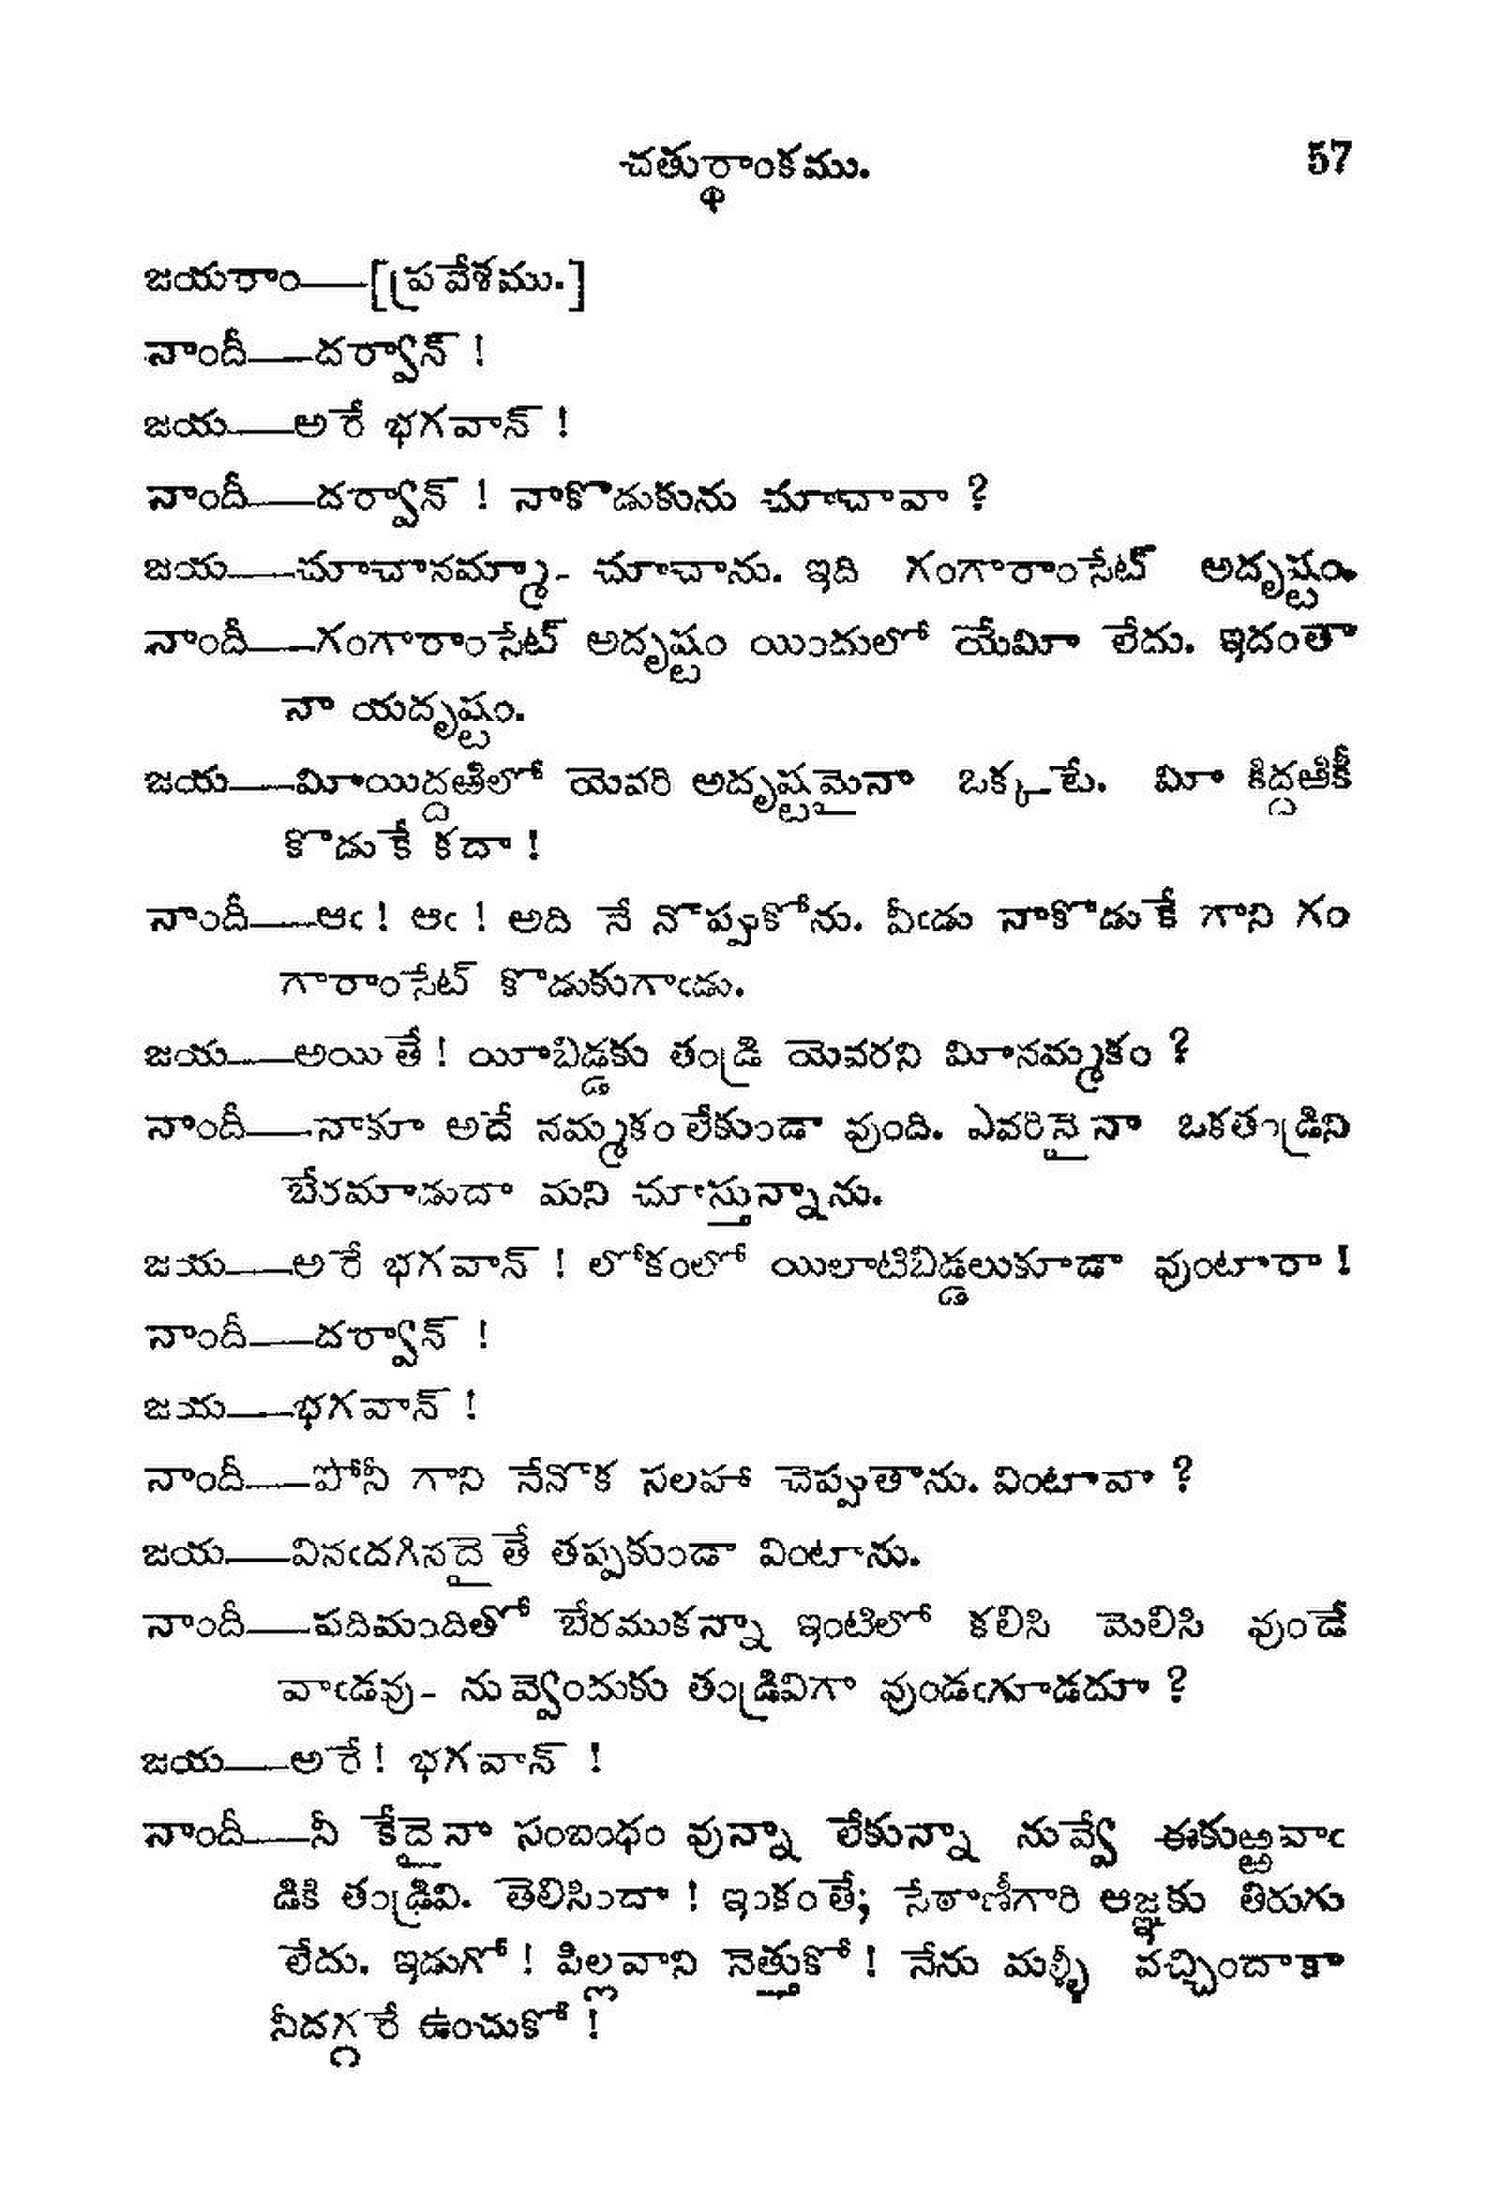జయరాం - (ప్రవేశము.)

నాందీ - దర్వాన్ !

జయ - అరే భగవాన్ !

నాందీ - దర్వాన్ ! నాకొడుకును చూచావా ?

జయ - చూచానమ్మా. చూచాను. ఇది గంగారాంసేట్ అదృష్టం.

నాందీ - గంగారాంసేట్ అదృష్టం యిందులో యేమీ లేదు. ఇదంతా నా యదృష్టం.

జయ - మీయిద్దఱిలో యెవరి అదృష్టమైనా ఒక్కటే. మీ కిద్దఱికీ కొడుకే కదా!

నాందీ - ఆఁ ! ఆఁ ! అది నే నొప్పుకోను. వీఁడు నాకొడుకే గాని గంగారాంసేట్ కొడుకుగాఁడు.

జయ - అయితే ! యీబిడ్డకు తండ్రి యెవరని మీనమ్మకం ?

నాందీ - నాకూ అదే నమ్మకం లేకుండా వుంది. ఎవరినైనా ఒకతండ్రిని బేరమాడుదా మని చూస్తున్నాను.

జయ - అరే భగవాన్ ! లోకంలో యిలాటిబిడ్డలుకూడా వుంటారా !

నాందీ - దర్వాన్ !

జయ - భగవాన్ !

నాందీ - పోనీ గాని నేనొక సలహా చెప్పుతాను. వింటావా ?

జయ - వినఁదగినదైతే తప్పకుండా వింటాను.

నాందీ - పదిమందితో బేరముకన్నా ఇంటిలో కలిసి మెలిసి వుండేవాఁడవు- నువ్వెందుకు తండ్రివిగా వుండఁగూడదూ ?

జయ - అరే! భగవాన్ !

నాందీ - నీ కేదైనా సంబంధం వున్నా లేకున్నా నువ్వే ఈకుఱ్ఱవాఁడికి తండ్రివి. తెలిసిందా ! ఇంకంతే; సేఠాణీగారి ఆజ్ఞకు తిరుగు లేదు. ఇడుగో ! పిల్లవాని నెత్తుకో ! నేను మళ్ళీ వచ్చిందాకా నీదగ్గరే ఉంచుకో !